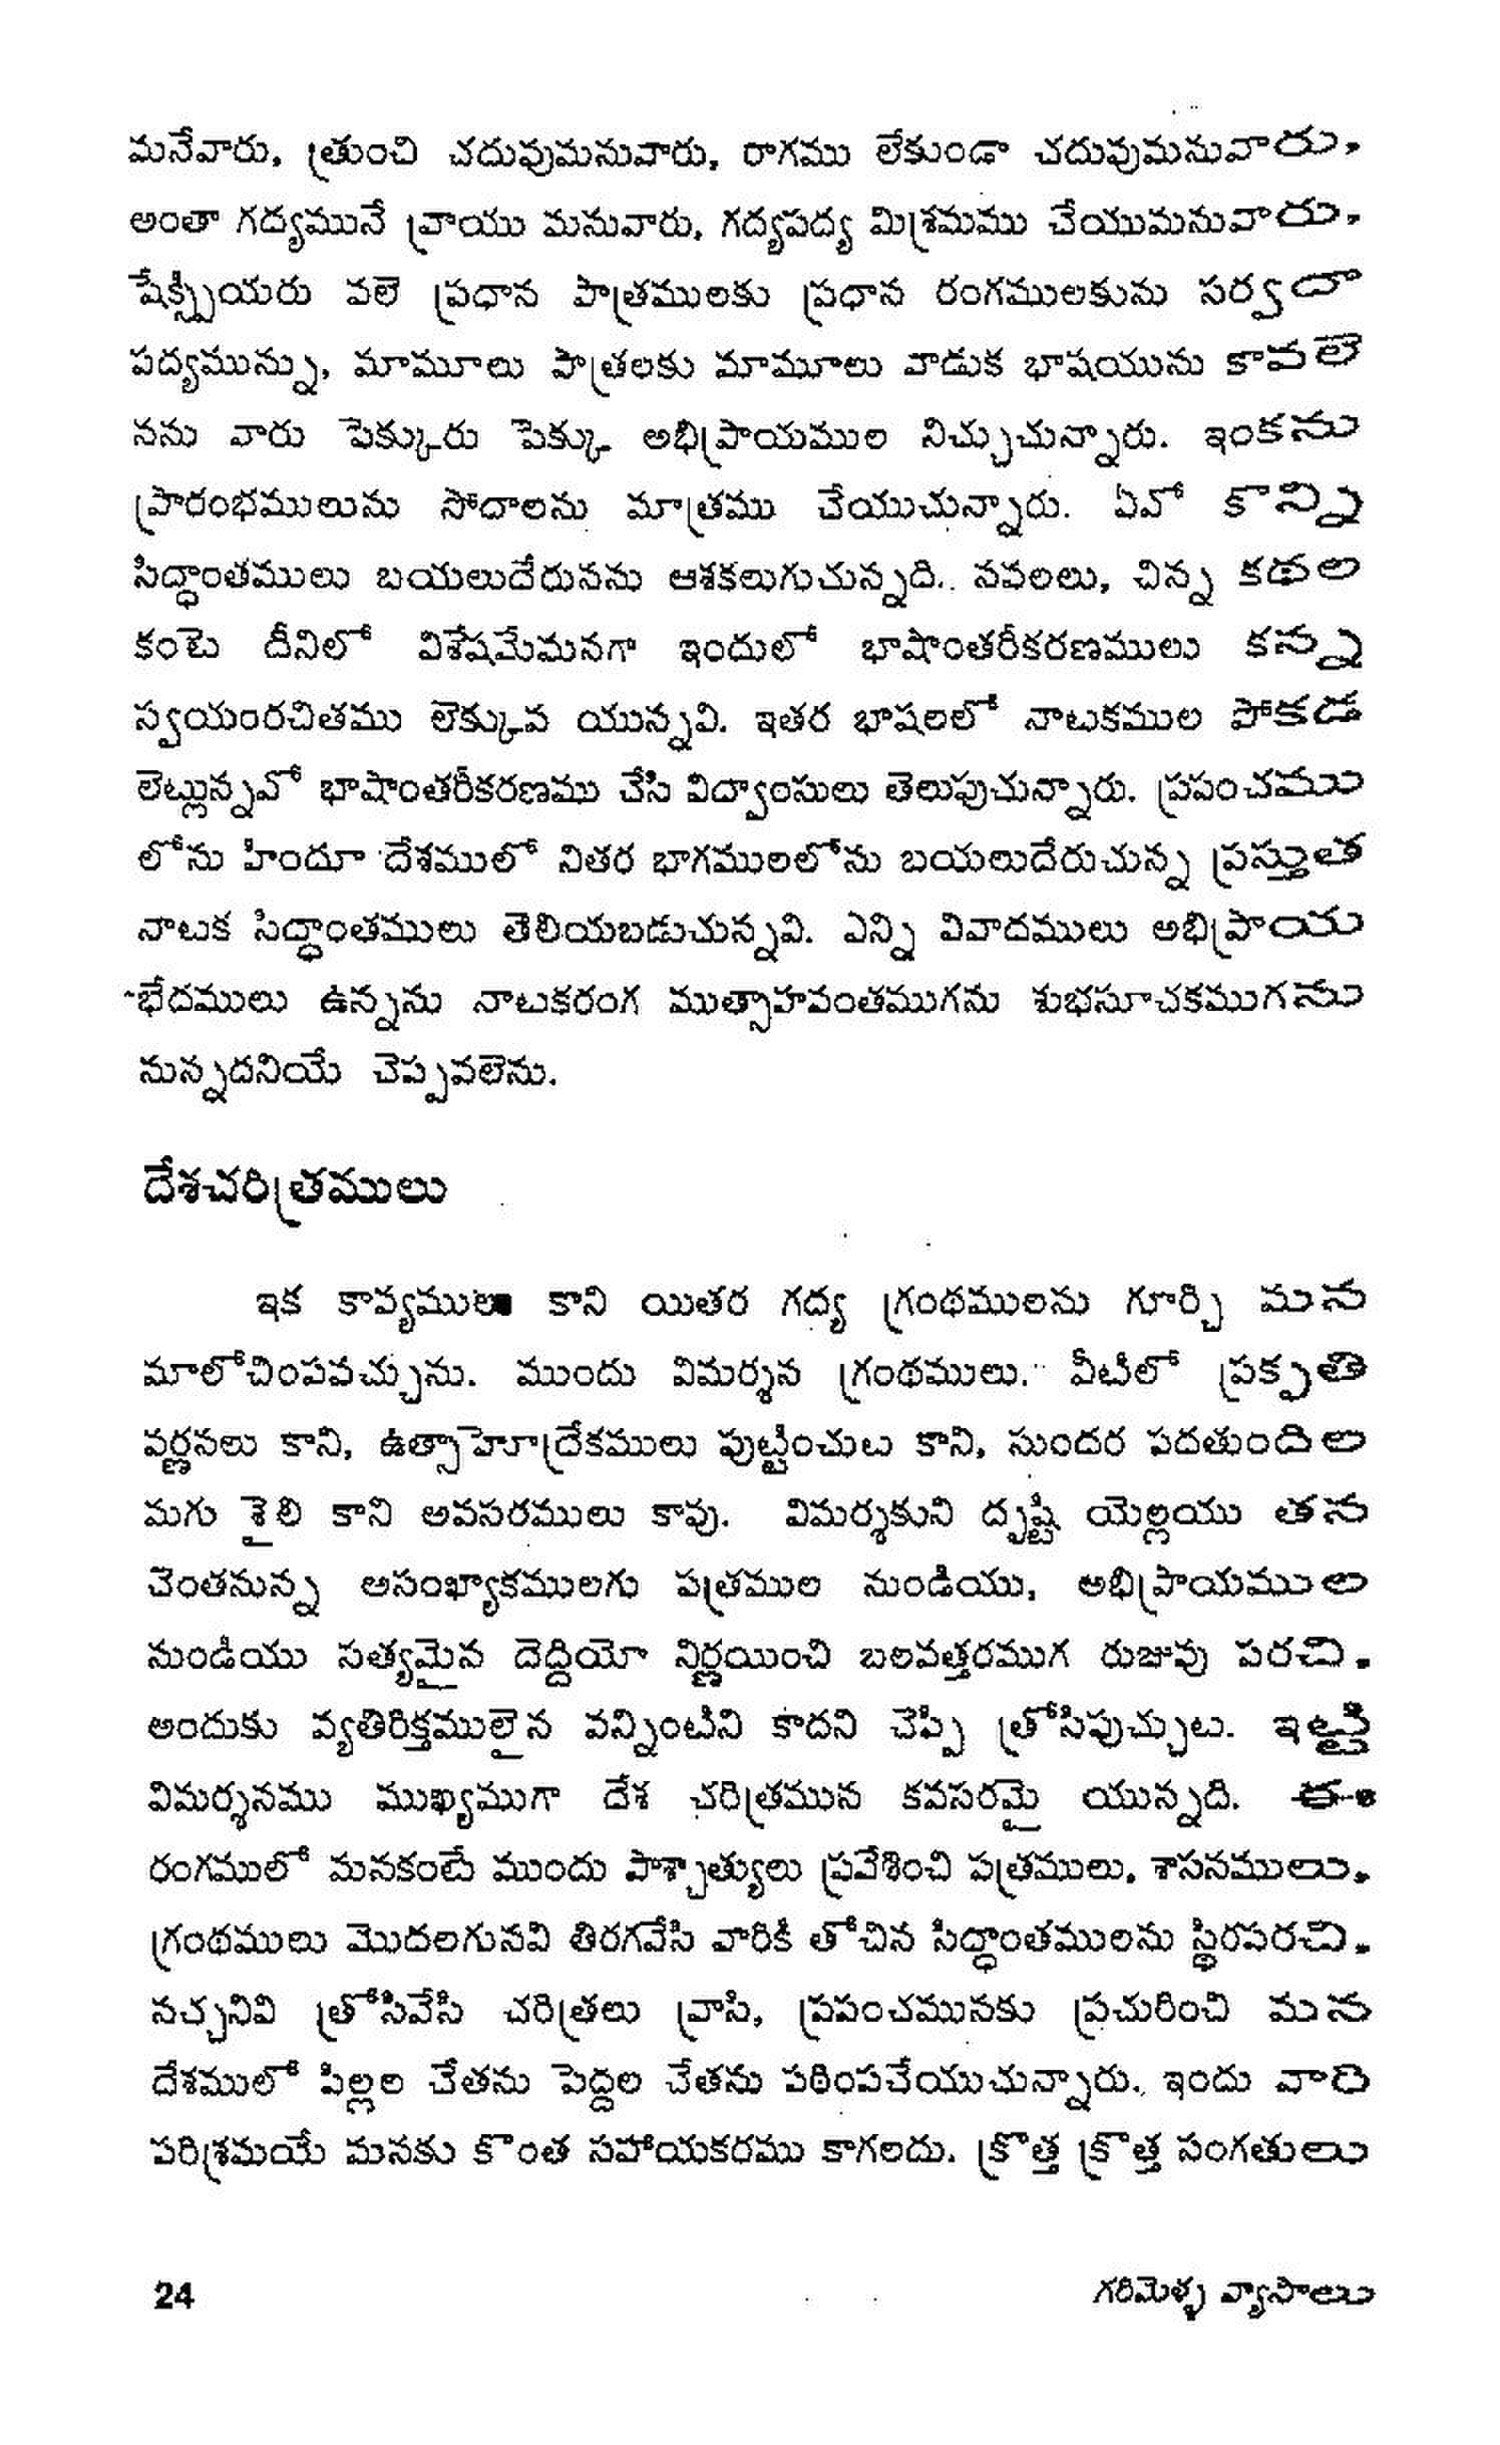మనేవారు, త్రుంచి చదువుమనువారు, రాగము లేకుండా చదువుమనువారు, అంతా గద్యమునే వ్రాయు మనువారు, గద్యపద్య మిశ్రమము చేయుమనువారు, షేక్సిపియరు వలె ప్రధాన పాత్రములకు ప్రధాన రంగములకును సర్వదా పద్యమున్ను, మామూలు పాత్రలకు మామూలు వాడుక భాషయును కావలె నను వారు పెక్కురు పెక్కు అభిప్రాయముల నిచ్చుచున్నారు. ఇంకను ప్రారంభములును సోదాలను మాత్రము చేయుచున్నారు. ఏవో కొన్ని సిద్ధాంతములు బయలుదేరునను ఆశకలుగుచున్నది. నవలలు, చిన్న కథల కంటె దీనిలో విశేషమేమనగా ఇందులో భాషాంతరీకరణములు కన్న స్వయంరచితము లెక్కువ యున్నవి. ఇతర భాషలలో నాటకముల పోకడ లెట్లున్నవో బాషాంతరీకరణము చేసి విద్వాంసులు తెలుపుచున్నారు. ప్రపంచములోను హిందూ దేశములో నితర భాగములలోను బయలుదేరుచున్న ప్రస్తుత నాటక సిద్ధాంతములు తెలియబడుచున్నవి. ఎన్ని వివాదములు అభిప్రాయభేదములు ఉన్నను నాటకరంగ ముత్సాహవంతముగను శుబసూచకముగను నున్నదనియే చెప్పవలెను.

దేశచరిత్రములు

ఇక కావ్యములు కాని యితర గద్య గ్రంథములను గూర్చి మన మాలోచింపవచ్చును. ముందు విమర్శన గ్రంథములు. వీటిలో ప్రకృతి వర్ణనలు కాని, ఉత్సాహొద్రేకములు పుట్టించుట కాని, సుందర పదతుందిలమగు శైలి కాని అవసరములు కావు. విమర్శకుని దృష్టి యెల్లయు తన చెంతనున్న అసంఖ్యాకములగు పత్రముల నుండియు, అభిప్రాయముల నుండియు సత్యమైన దెద్దియో నిర్ణయించి బలవత్తరముగ రుజువు పరచి, అందుకు వ్యతిరిక్తములైన నన్నింటిని కాదని చెప్పి త్రోసిపుచ్చుట. ఇట్టి విమర్శనము ముఖ్యముగా దేశ చరిత్రమున కవసరమై యున్నది. ఈ రంగములో మనకంటే ముందు పాశ్చాత్యులు ప్రవేశించి పత్రములు, శాసనములు, గ్రంథములు మొదలగునవి తిరగవేసి వారికి తోచిన సిద్ధాంతములను స్థిరపరచి, నచ్చనివి త్రోసివేసి చరిత్రలు వ్రాసి, ప్రపంచమునకు ప్రచురించి మన దేశములో పిల్లల చేతను పెద్దల చేతను పఠింపచేయుచున్నారు. ఇందు వారి పరిశ్రమయే మనకు కొంత సహాయకరము కాగలదు. క్రొత్తక్రొత్త సంగతులు